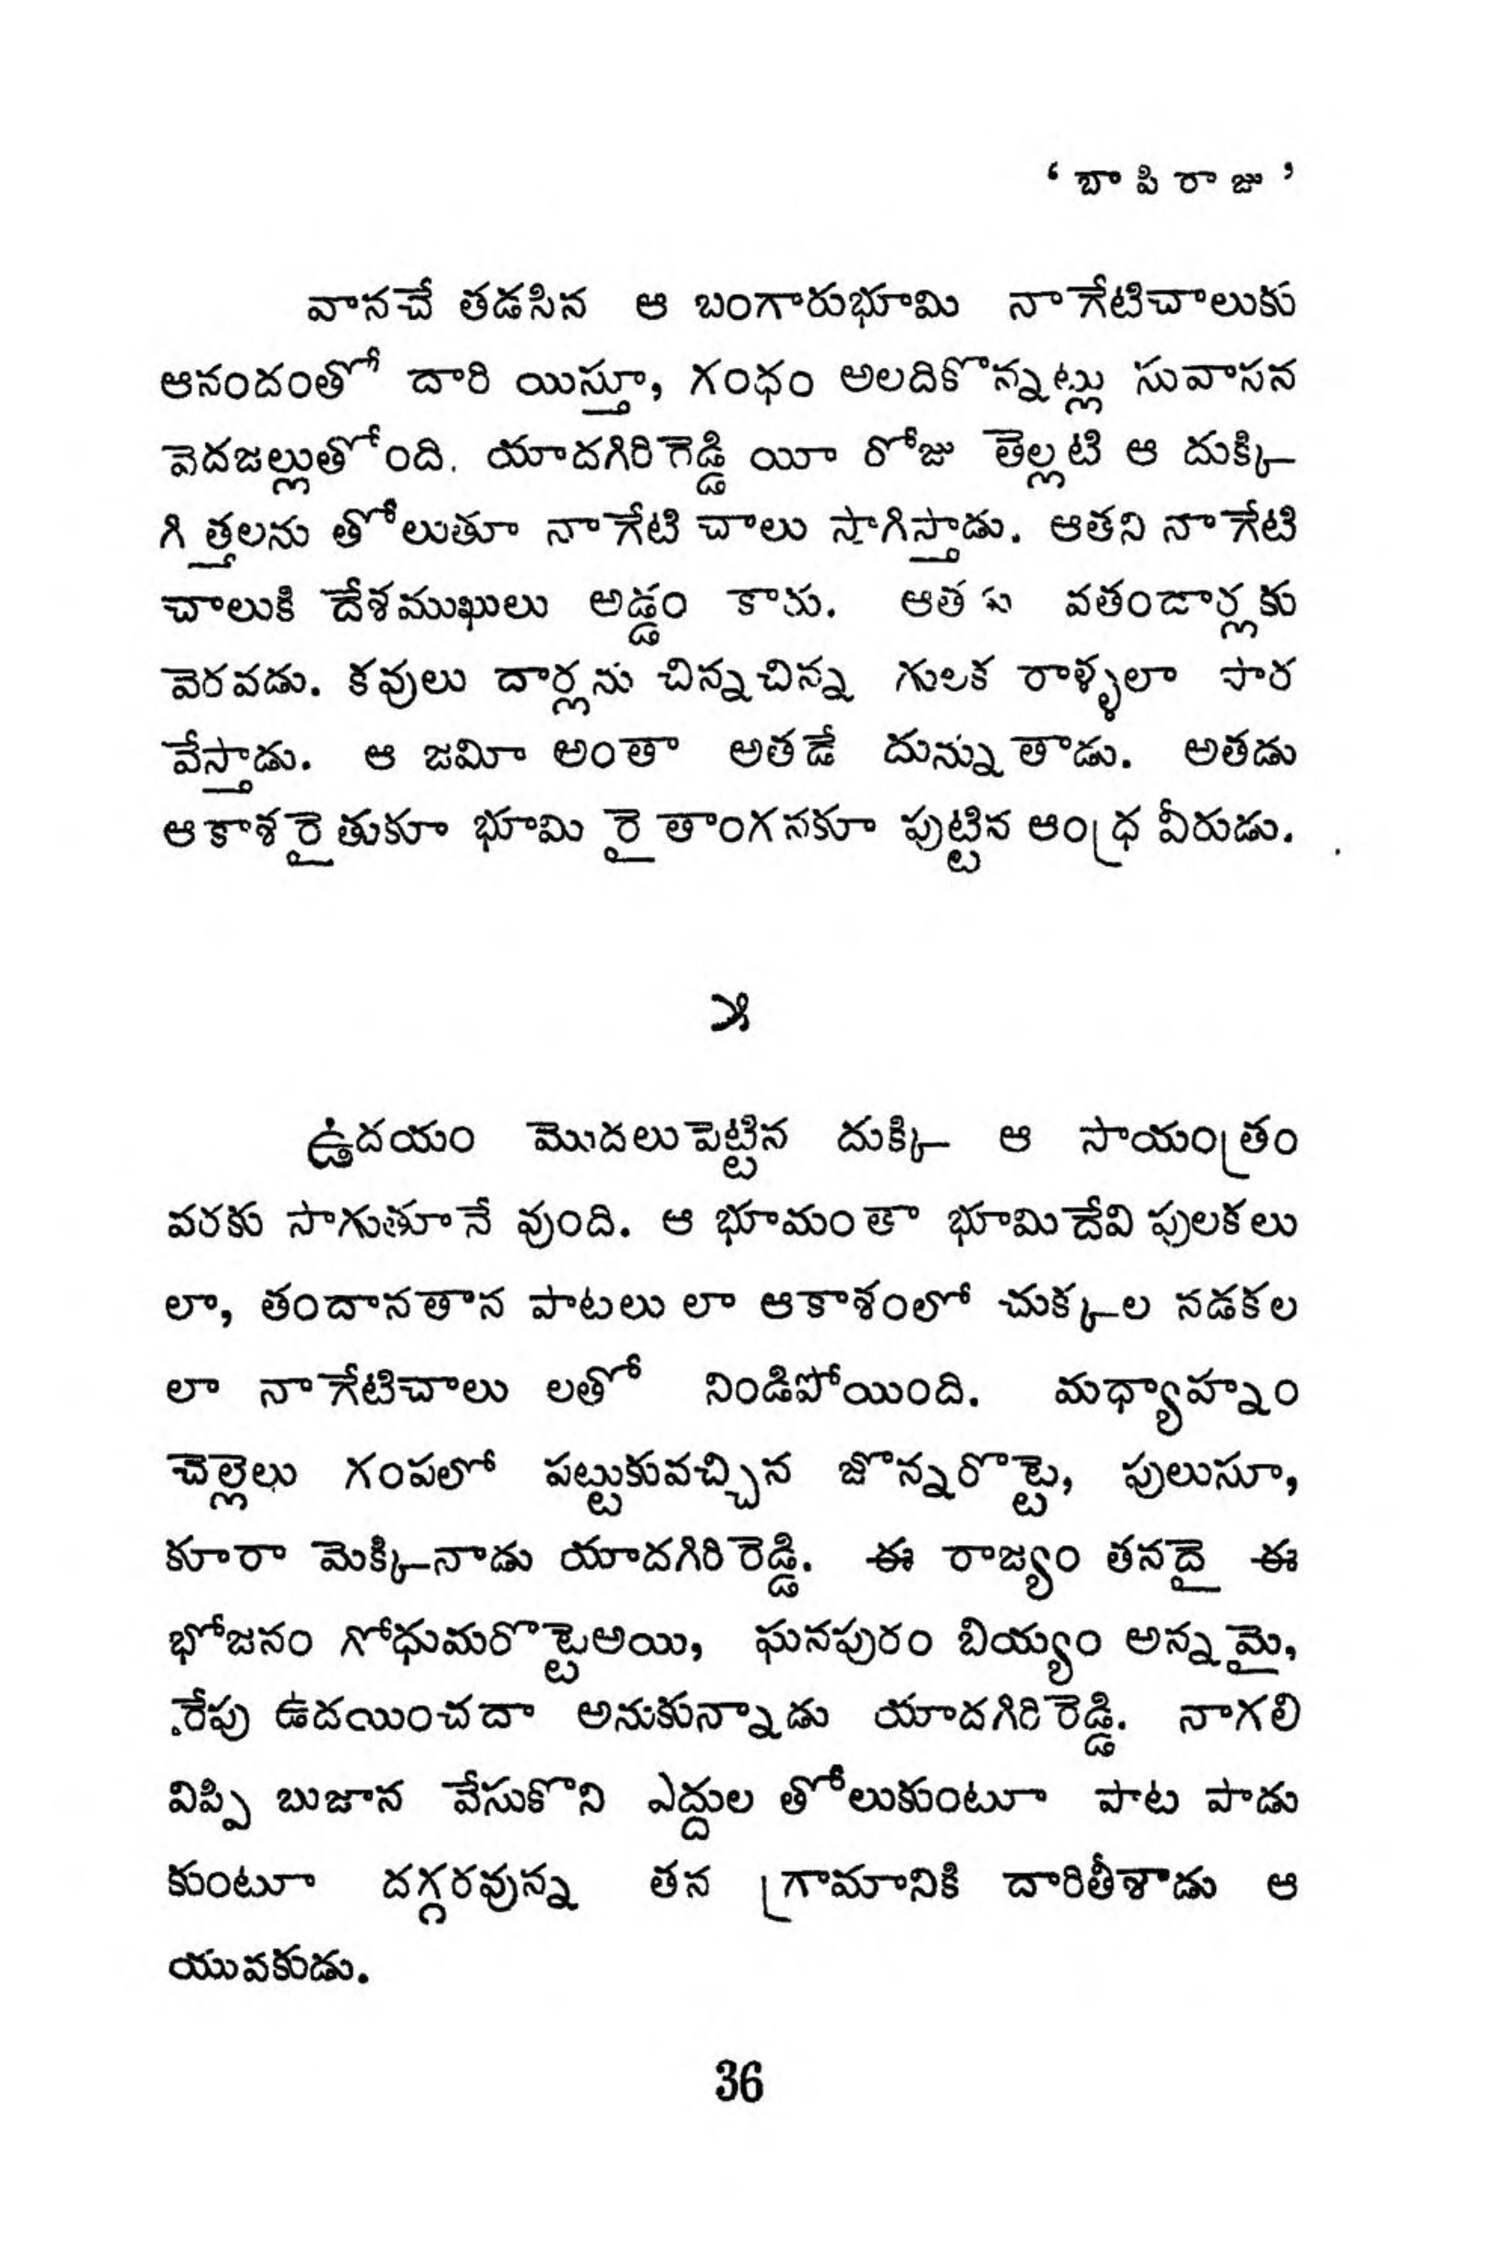వానచే తడసిన ఆ బంగారుభూమి నాగేటిచాలుకు ఆనందంతో దారి యిస్తూ, గంధం అలదికొన్నట్లు సువాసన వెదజల్లుతోంది. యాదగిరిరెడ్డి యీ రోజు తెల్లటి ఆ దుక్కి గిత్తలను తోలుతూ నాగేటిచాలు సాగిస్తాడు. ఆతని నాగేటిచాలుకి దేశముఖులు అడ్డం కారు. ఆతడు వతందార్లకు వెరవడు. కవులు దార్లను చిన్నచిన్న గులక రాళ్ళలా పార వేస్తాడు. ఆ జమీ అంతా అతడే దున్నుతాడు. అతడు ఆకాశరైతుకూ భూమి రైతాంగనకూ పుట్టిన ఆంధ్ర వీరుడు.

5

ఉదయం మొదలుపెట్టిన దుక్కి ఆ సాయంత్రం వరకు సాగుతూనే వుంది. ఆ భూమంతా భూమిదేవి పులకలు లా, తందానతాన పాటలు లా ఆకాశంలో చుక్కల నడకల లా నాగేటిచాలు లతో నిండిపోయింది. మధ్యాహ్నం చెల్లెలు గంపలో పట్టుకువచ్చిన జొన్నరొట్టె, పులుసూ, కూరా మెక్కినాడు యాదగిరిరెడ్డి. ఈ రాజ్యం తనదై ఈ భోజనం గోధుమరొట్టెఅయి, ఘనపురం బియ్యం అన్నమై, రేపు ఉదయించదా అనుకున్నాడు యాదగిరిరెడ్డి. నాగలి విప్పి బుజాన వేసుకొని ఎద్దుల తోలుకుంటూ పాట పాడుకుంటూ దగ్గరవున్న తన గ్రామానికి దారితీశాడు ఆ యువకుడు.